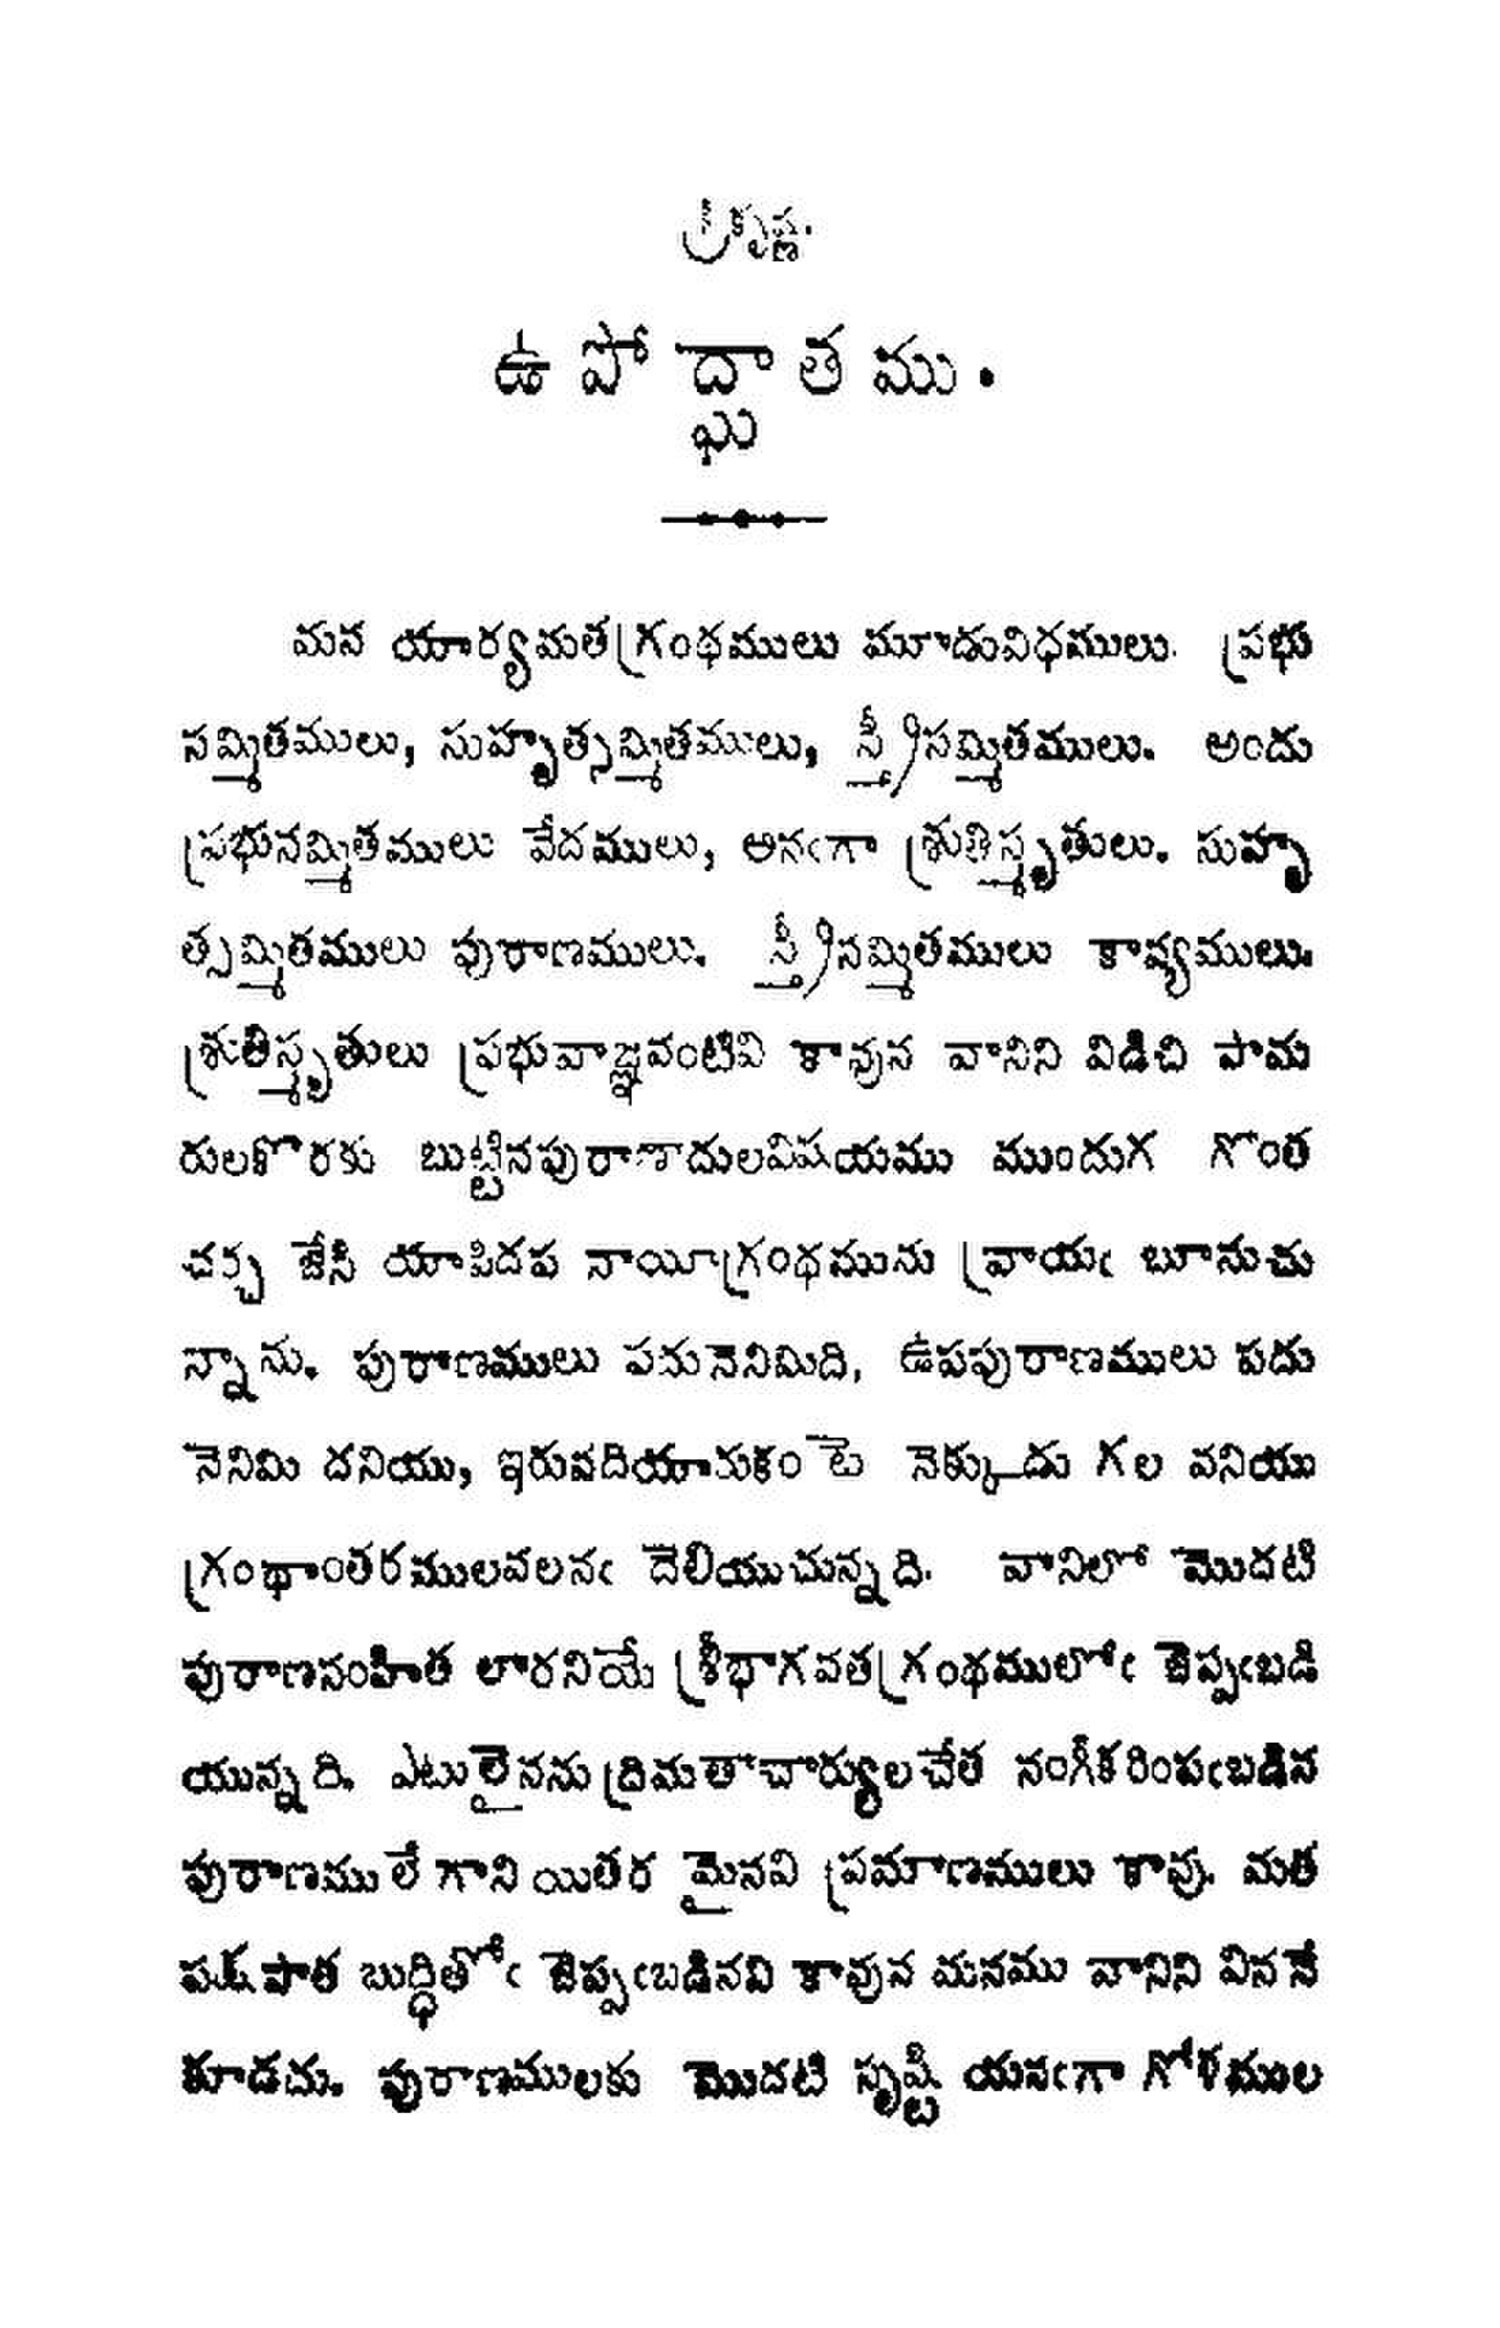ఉపోద్ఘాతము.

మన యార్యమతగ్రంథములు మూడువిధములు. ప్రభు సమ్మితములు, సుహృత్సమ్మితములు, స్త్రీసమ్మితములు. అందు ప్రభుసమ్మితములు వేదములు, అనఁగా శ్రుతిస్మృతులు, సుహృత్సమ్మితములు పురాణములు. స్త్రీసమ్మితములు కావ్యములు. శ్రుతిస్మృతులు ప్రభువాజ్ఞవంటివి కావున వానిని విడిచి పామరులకొరకు బుట్టినపురాణాదులవిషయము ముందుగ గొంత చర్చ జేసి యాపిదప నాయీగ్రంధమును వ్రాయఁ బూనుచున్నాను. పురాణములు పదునెనిమిది, ఉపపురాణములు పదునెనిమి దనియు, ఇరువదియారుకంటె నెక్కుడు గల వనియు
గ్రంథాంతరములవలనఁ దెలియుచున్నది. వానిలో మొదటి పురాణసంహిత లారనియే శ్రీభాగవతగ్రంథములోఁ జెప్పఁబడి యున్నది. ఎటులైనను ద్రిమతాచార్యులచేత నంగీకరింపఁబడిన
పురాణములే గాని యితర మైనవి ప్రమాణములు కావు. మత పక్షపాత బుద్ధితోఁ జెప్పఁబడినవి కావున మనము వానిని విననే కూడదు. పురాణములకు మొదటి సృష్టి యనఁగా గోళములు